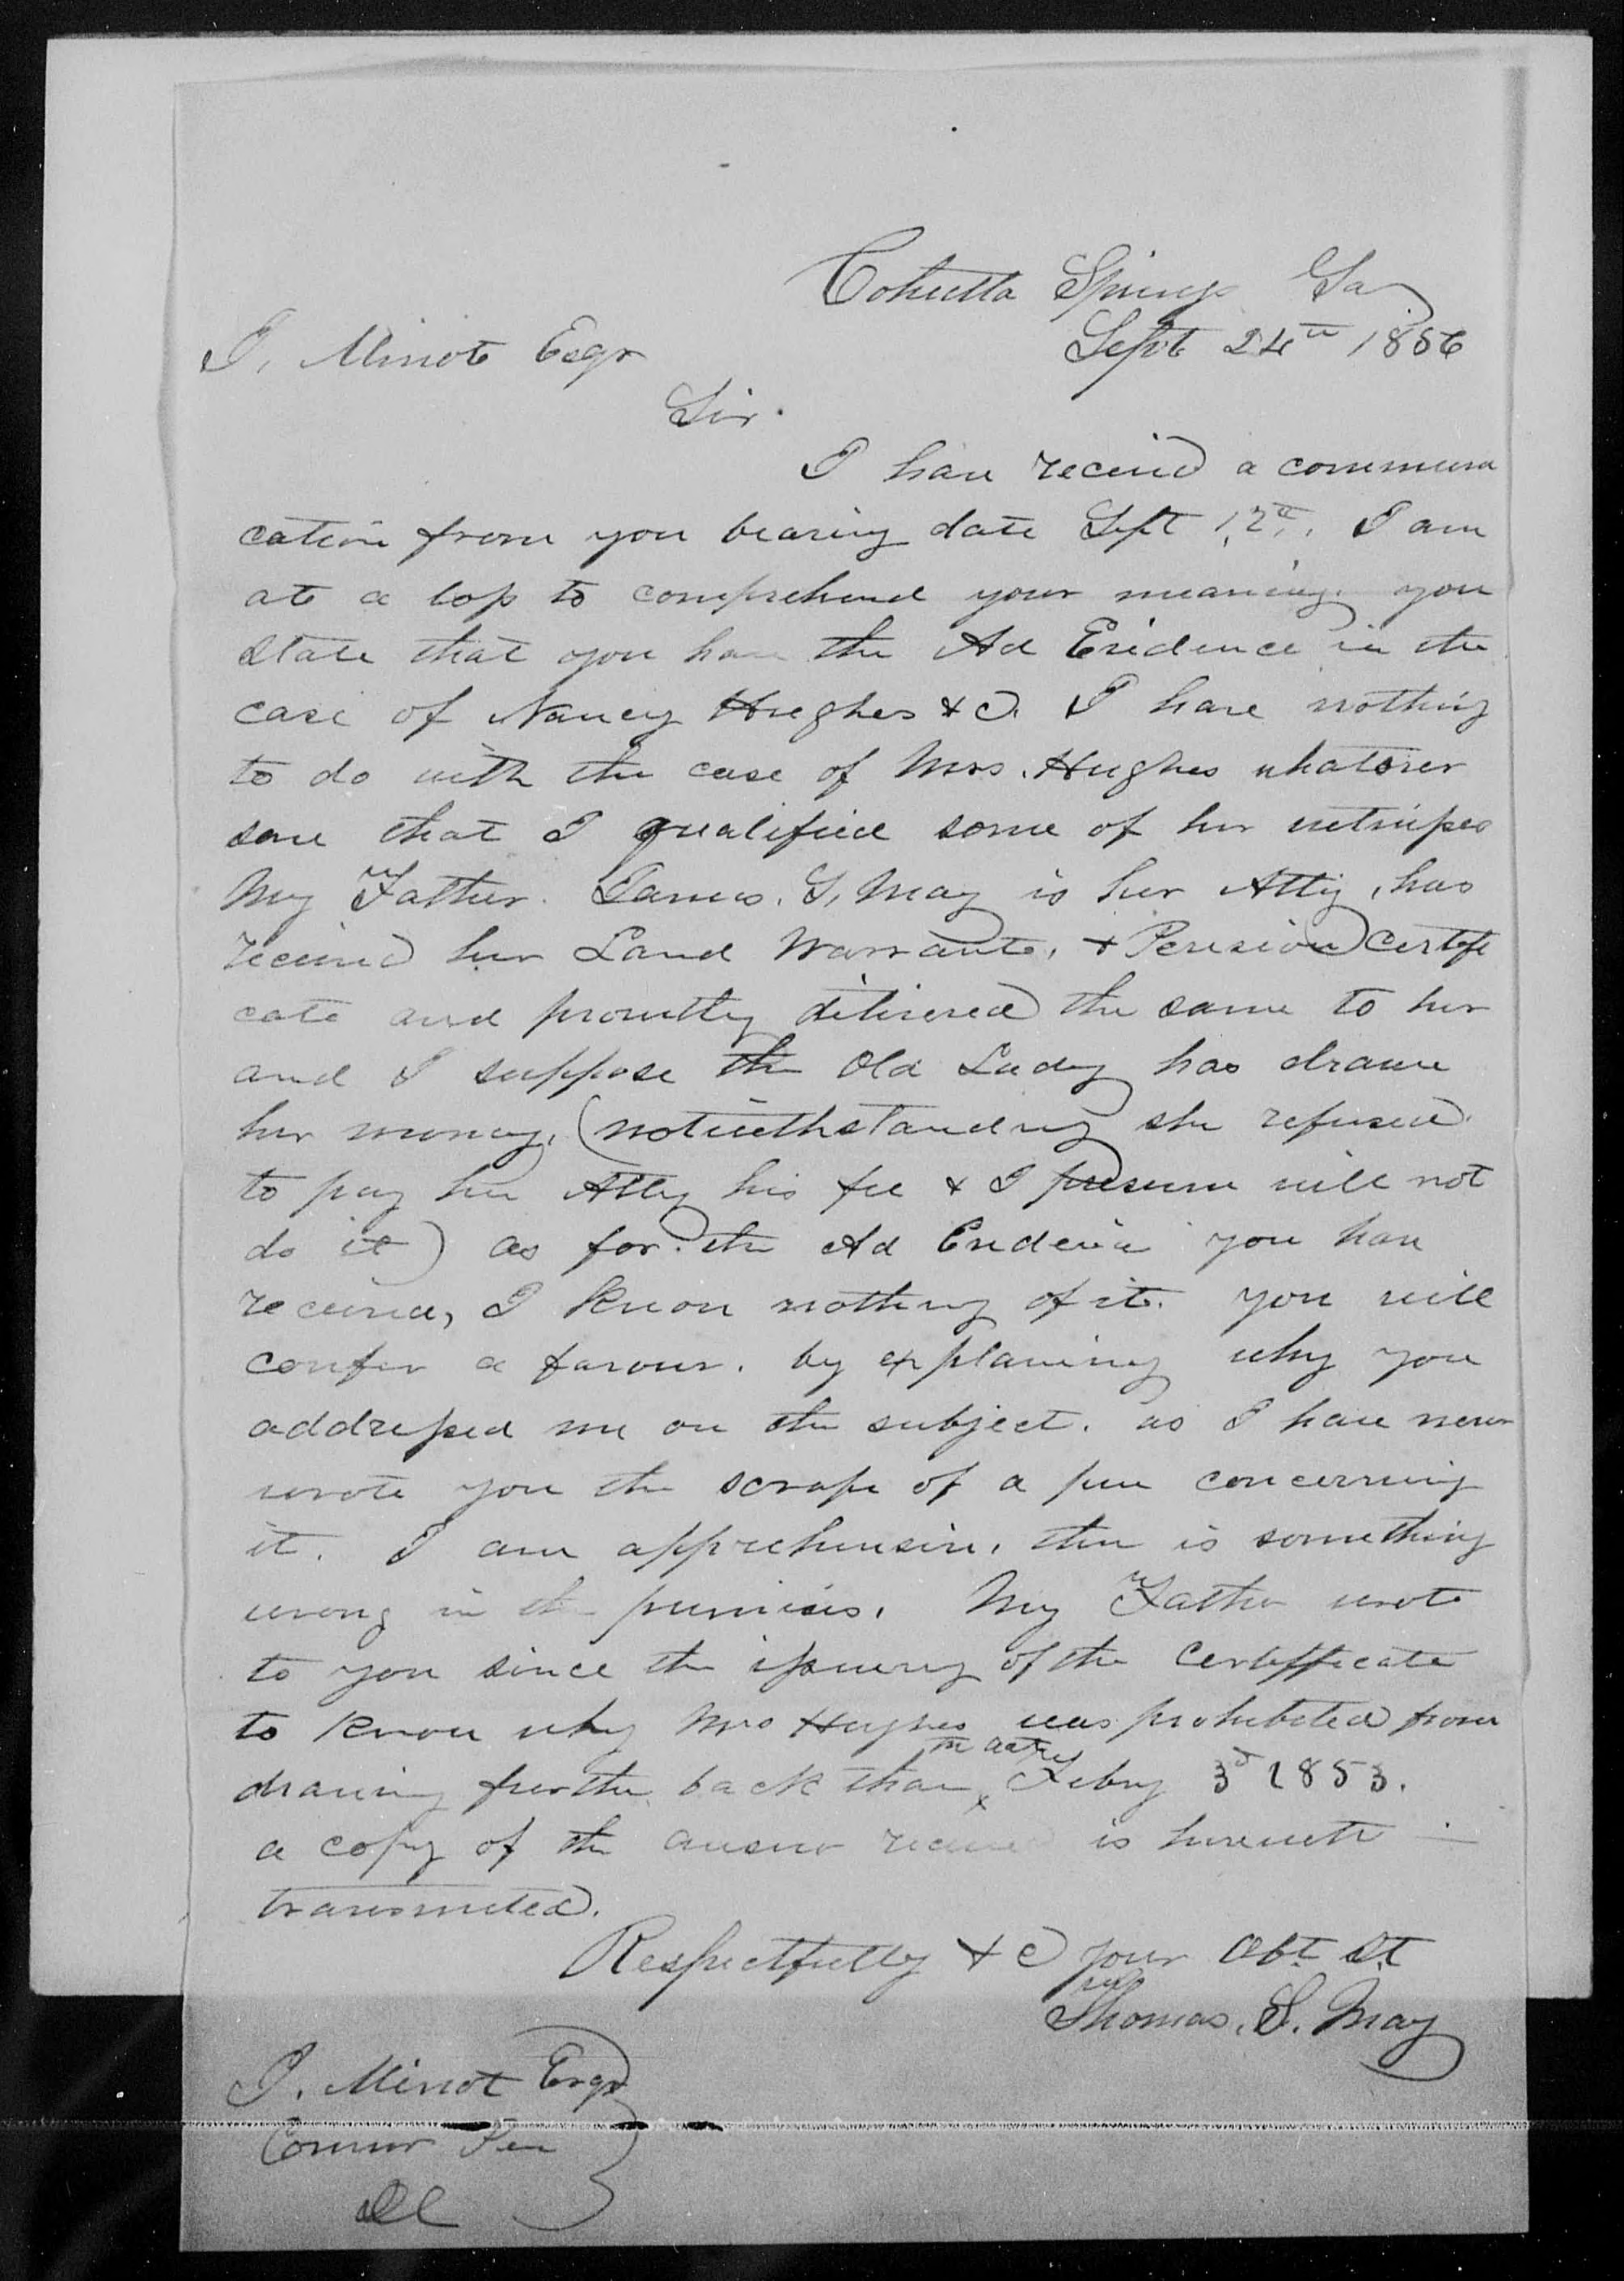Cohutta Springs Ga
Sept 24th 1856
J. Minot Esqr
Sir
I have received a communication from you bearing date Sept 12th. I am
at a loss to comprehend your meaning you
State that you have the ad Evidence in the
case of Nancy Hughes &c. I have nothing
to do with the case of Mrs. Hughes whatever
save that I qualified some of her witnesses
My Father, James. S. May is her Atty has
received her Land Warrant & Pension certificate and promptly delivered the same to her and I suppose the old Lady has drawn
her money, (notwithstanding she refused
to pay her Atty his fee & I presume will not
do it ) as for the Ad Enderia you have
received, I know nothing of it. you will
confer a favour, by explaning why you
addressed me on the subject, as I have now
wrote you the scrape of a pen concerning
it. I am apprehensive, there is something
wrong in the premises. My Father wrote
to you since the issuing of the certifficate
to know why Mrs Hughes was prohibited from
drawing further back that Febry 3d 1853.
a copy of the answer received is herewith
transmited,
Respectfully & your Obt St
Thomas S. May
J. Minot Esqr
Commr Pen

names: J Minot, Nancy Hughes, James S May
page: 34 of 75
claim: widow's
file: W. 25805, Andrew Hughes, N.C.